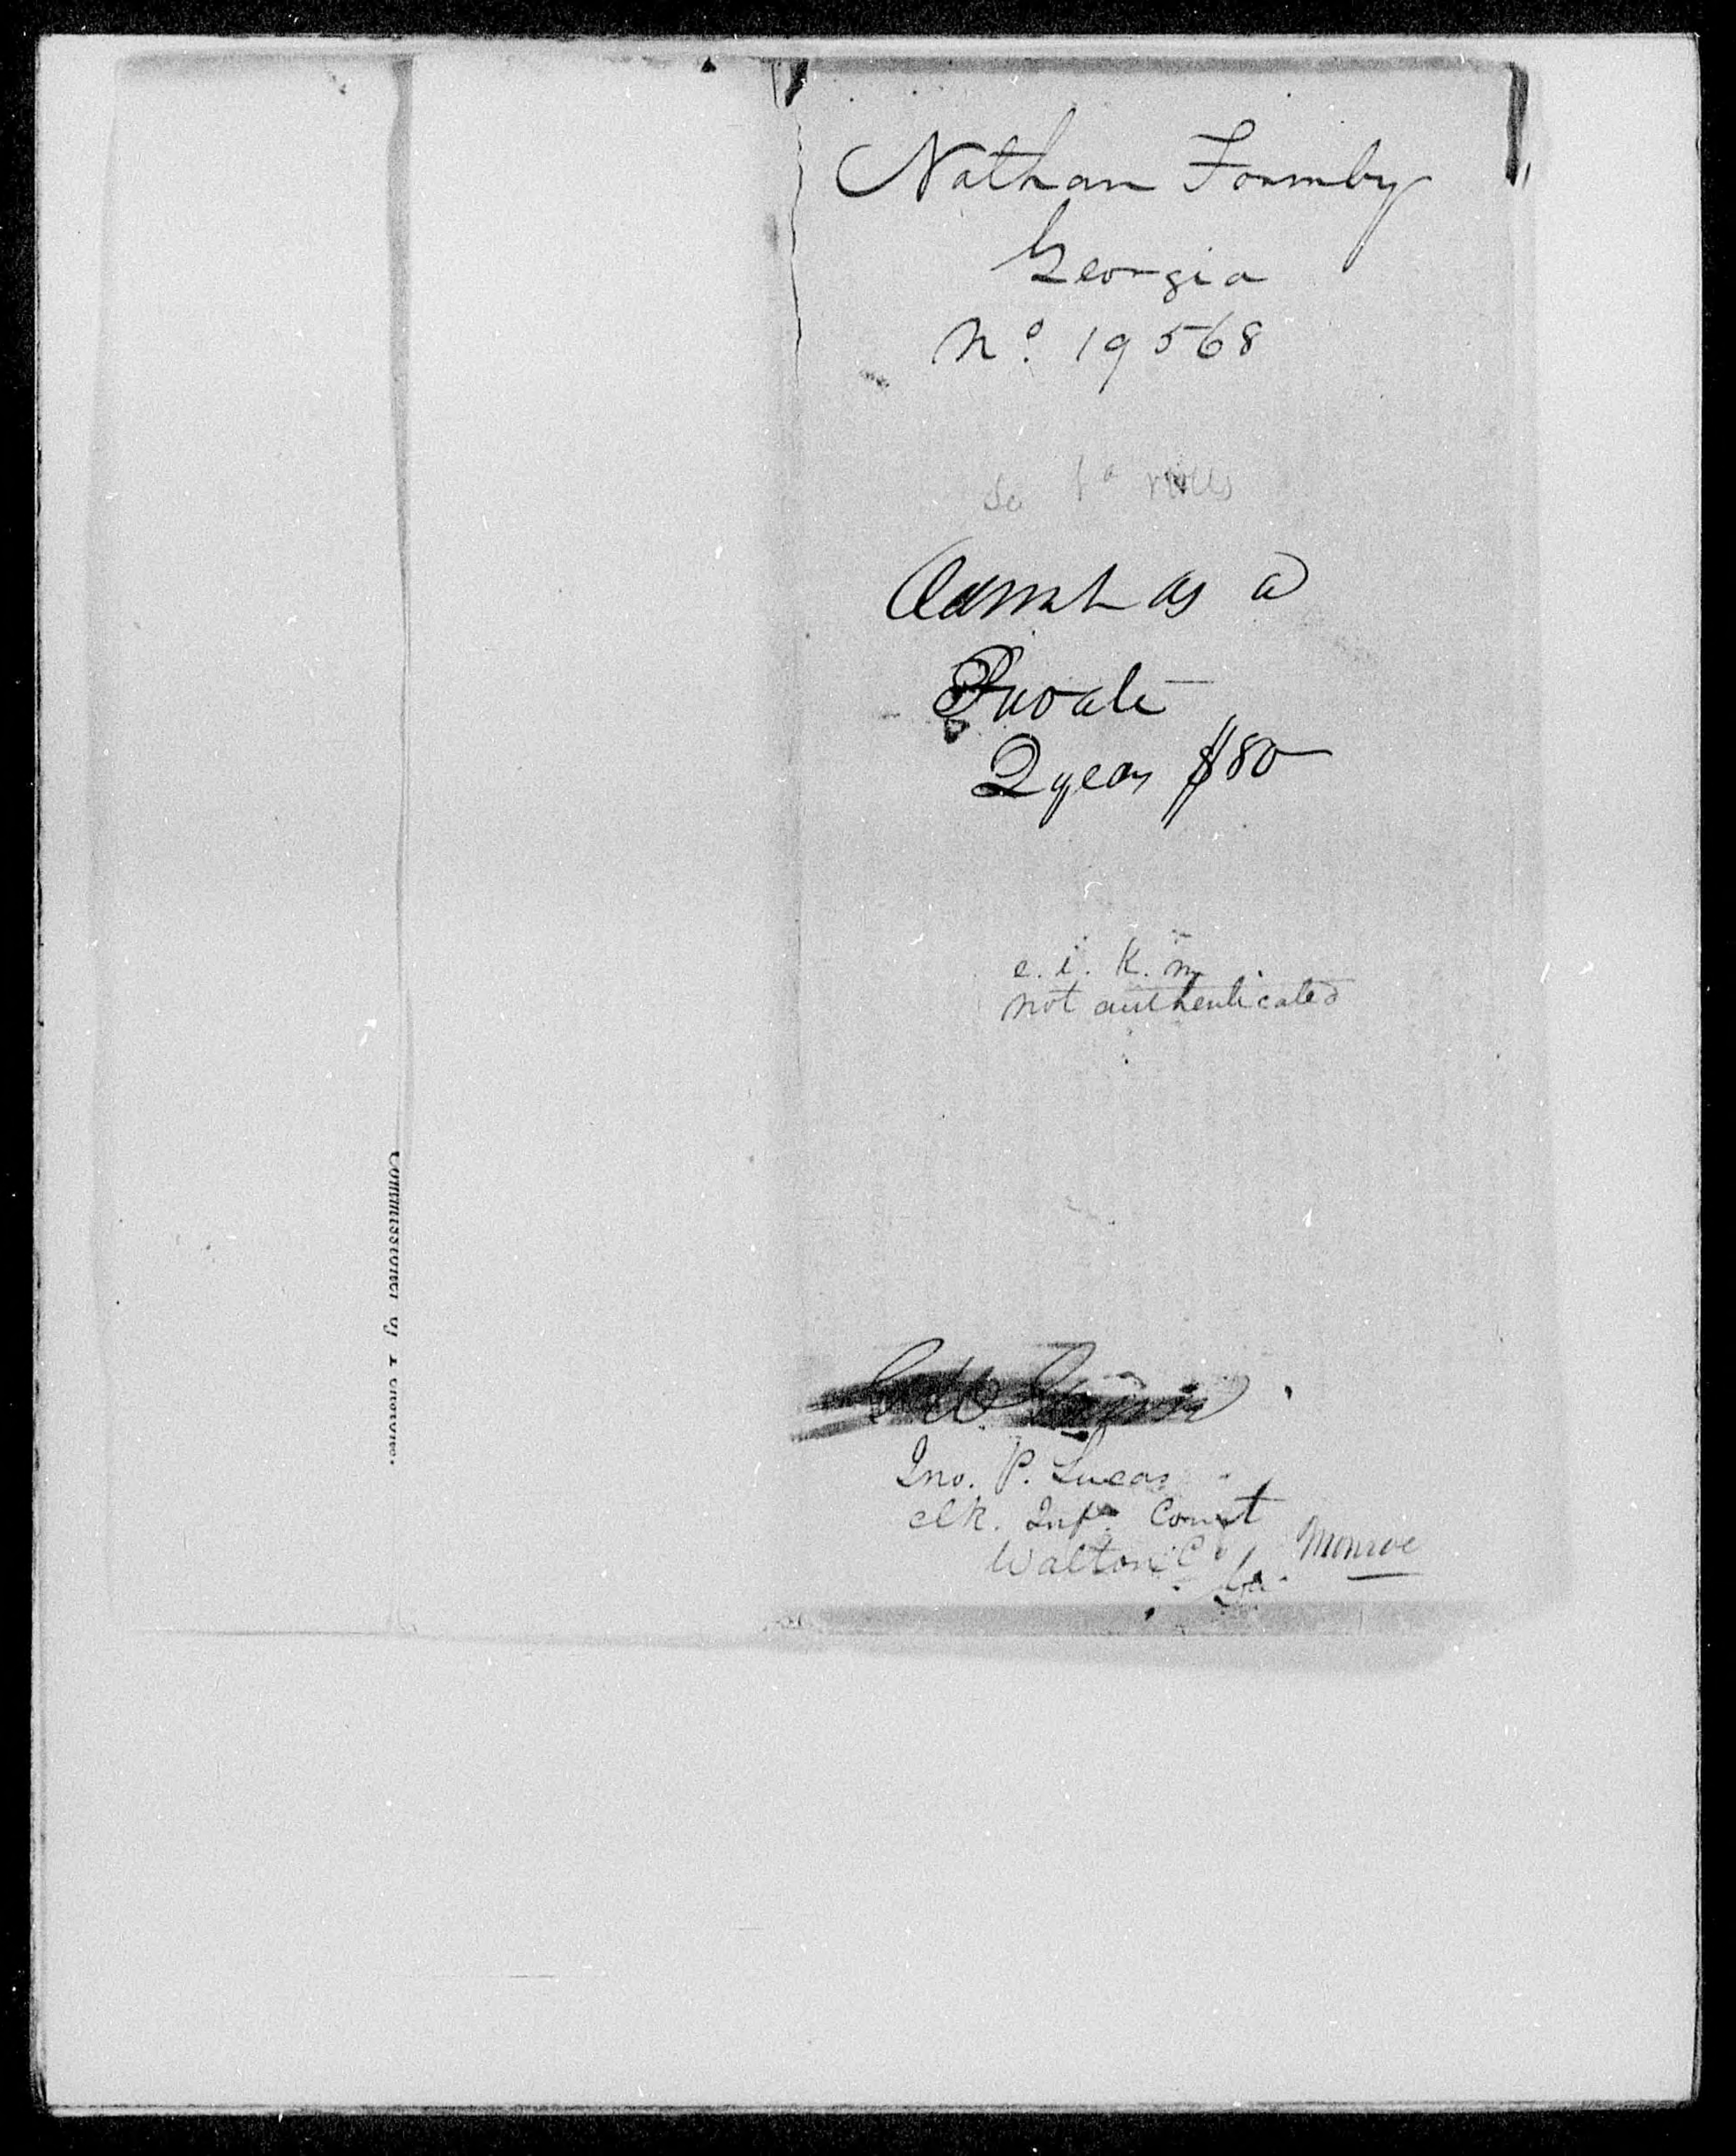Nathan Formby
Georgia
No. 19568

Se Va rolls

Admit as a
Private
2 years $80

e. i. k. m.
not authenticated

[crossed out: illegible]
Jno. P. Lucas
Clk. Infr. Court
Walton Co. Ga. Monroe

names: Nathan Formby, Monroe, Jno P Lucas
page: 21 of 54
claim: widow's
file: W. 3794, Nathan Formby, Va.